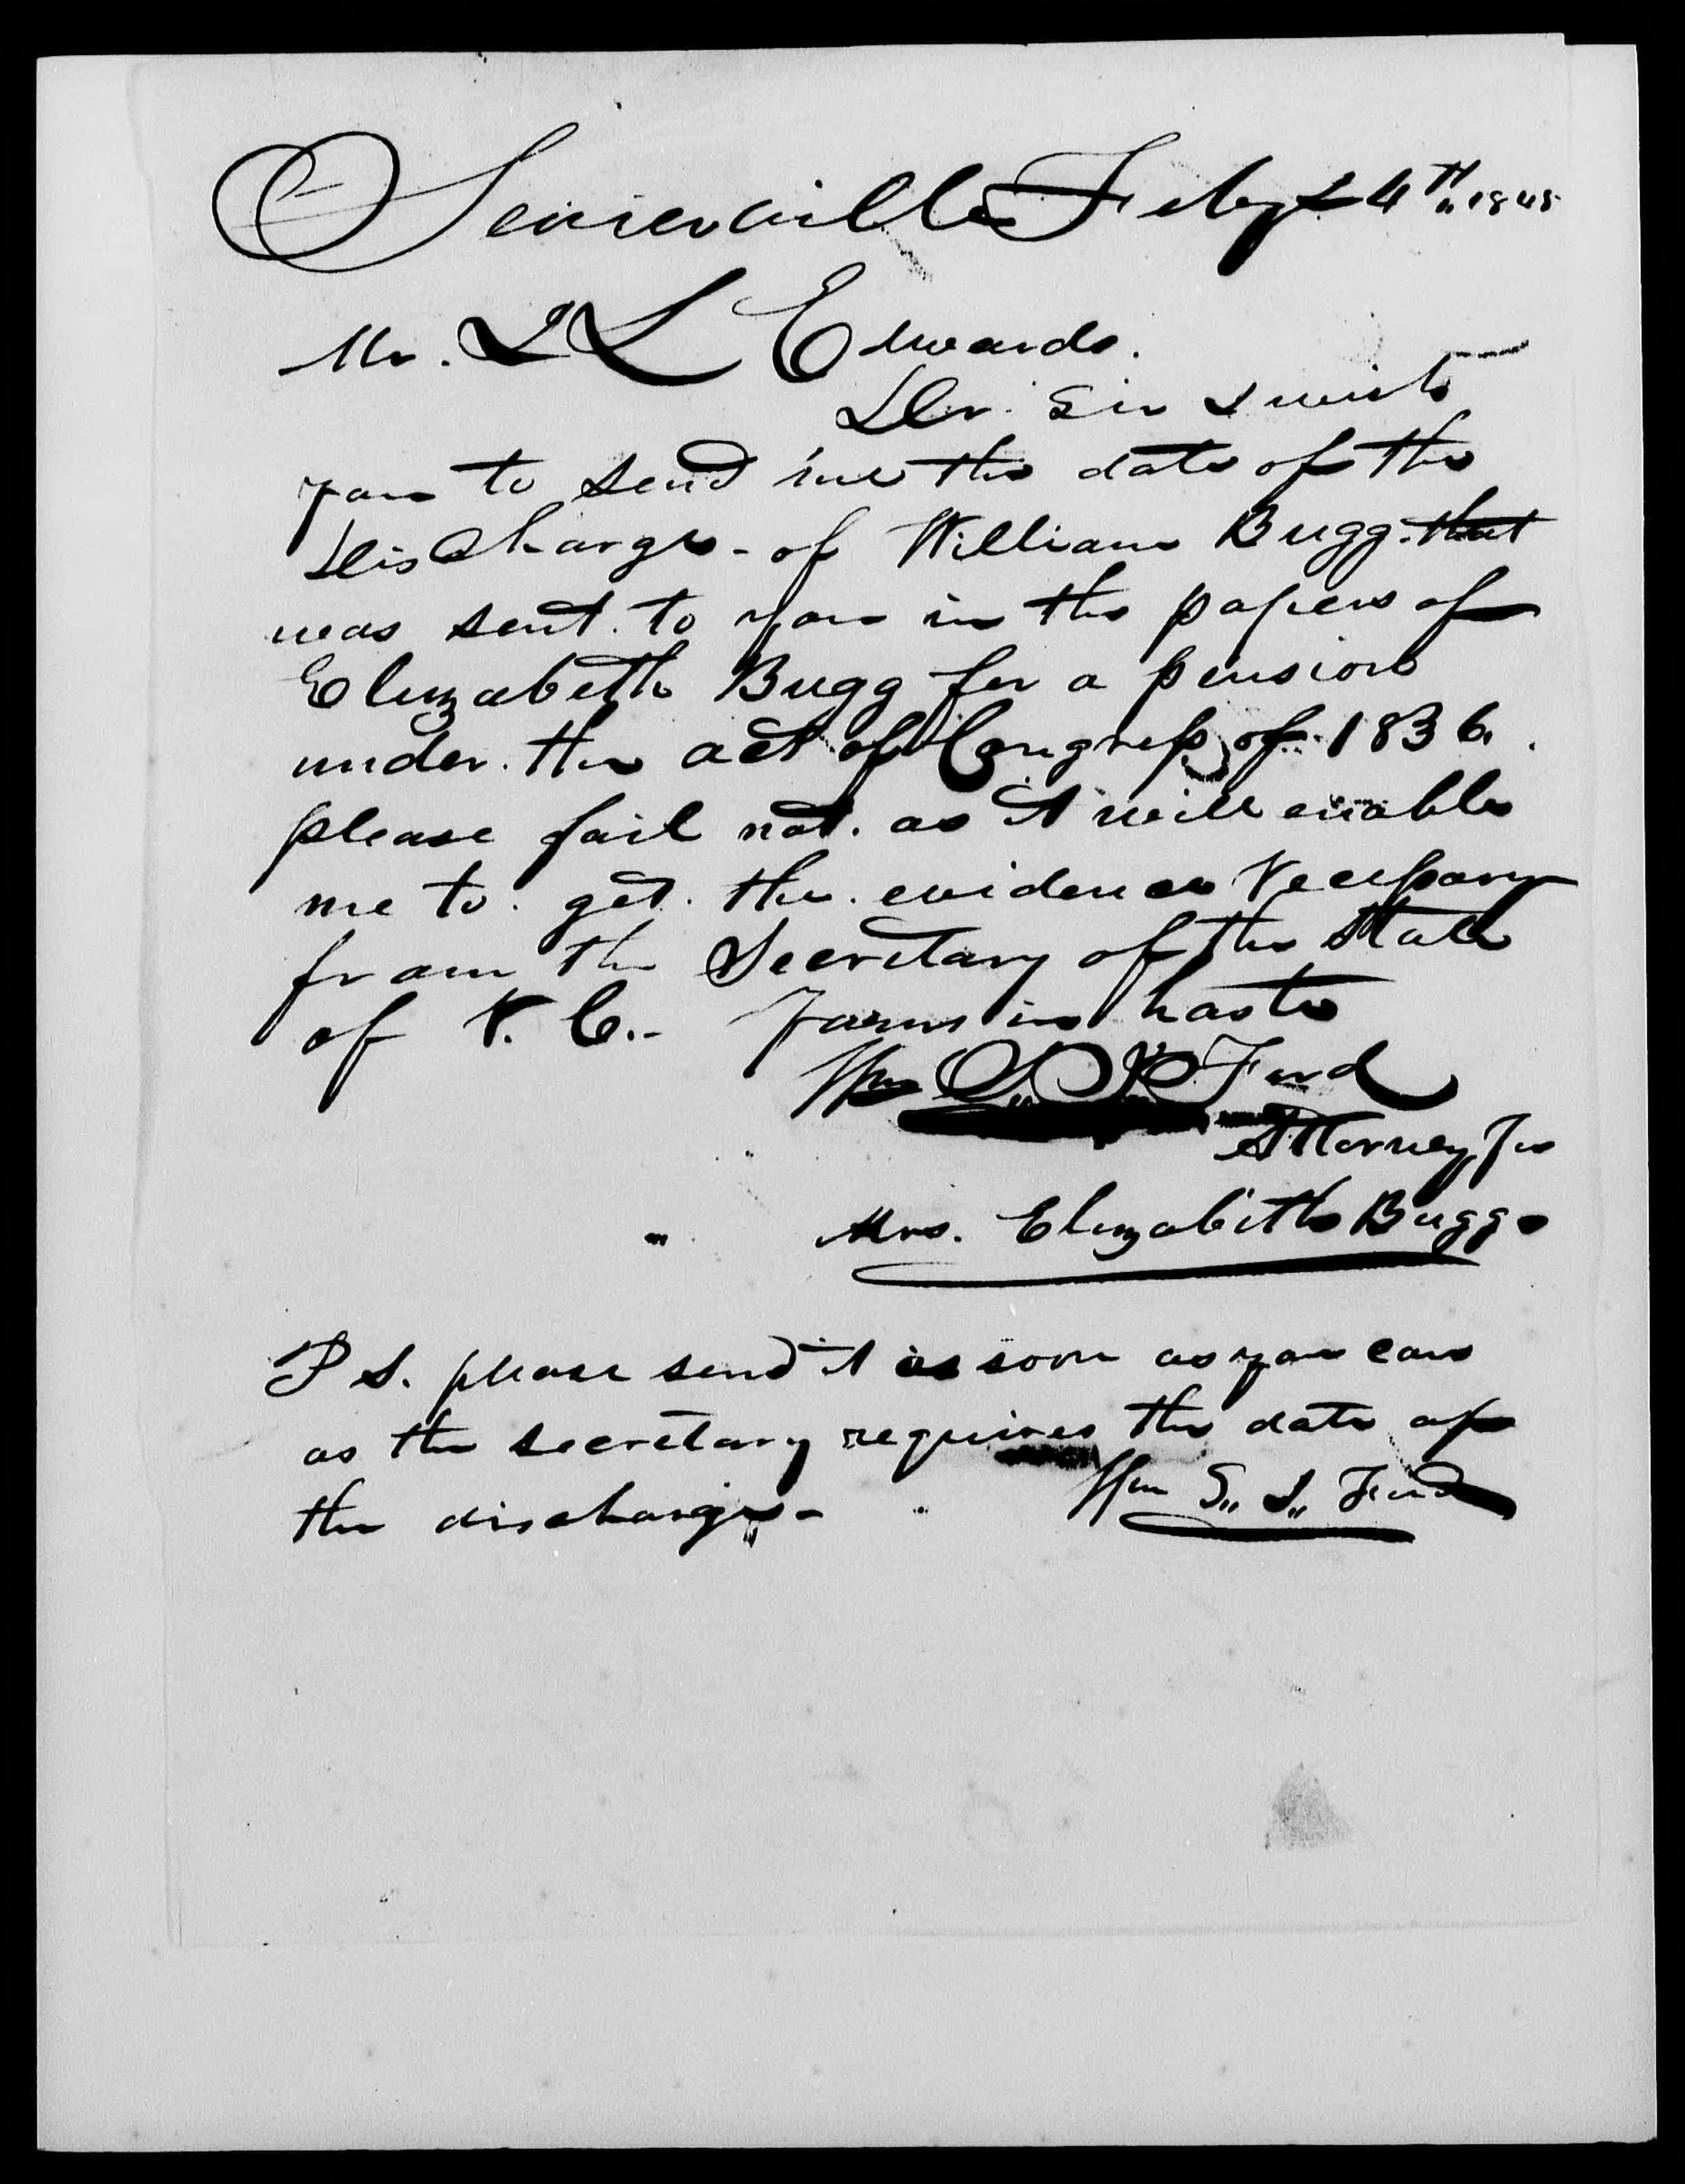Sevierville Feby 24th [or 14th or 4th] 1845

Mr. J L [or I S] Edwards.
Dr. Sir I wish you to Send me the date of the DisCharge- of William Bugg. that was sent. to you in the papers of Elizabeth Bugg fer a pension under. the act of Congress of 1836.  please fail not. as it will enable me to. get. the. evidence Necessary from the Secretary of the [or this] State of N.C.-  Yours in haste  Wm S J Ford  Atterney fer Mrs. Elizabith Bugg

PS. send it as soon as you can as the Secretary requires the [or this] date of the discharge.  Wm S. J. Ford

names: Elizabeth Bugg, Wm S J Ford, J L Edwards, Wm S J Ford, William Bugg, Elizabeth Bugg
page: 28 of 50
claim: widow's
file: W. 898, William Bugg, N.C.